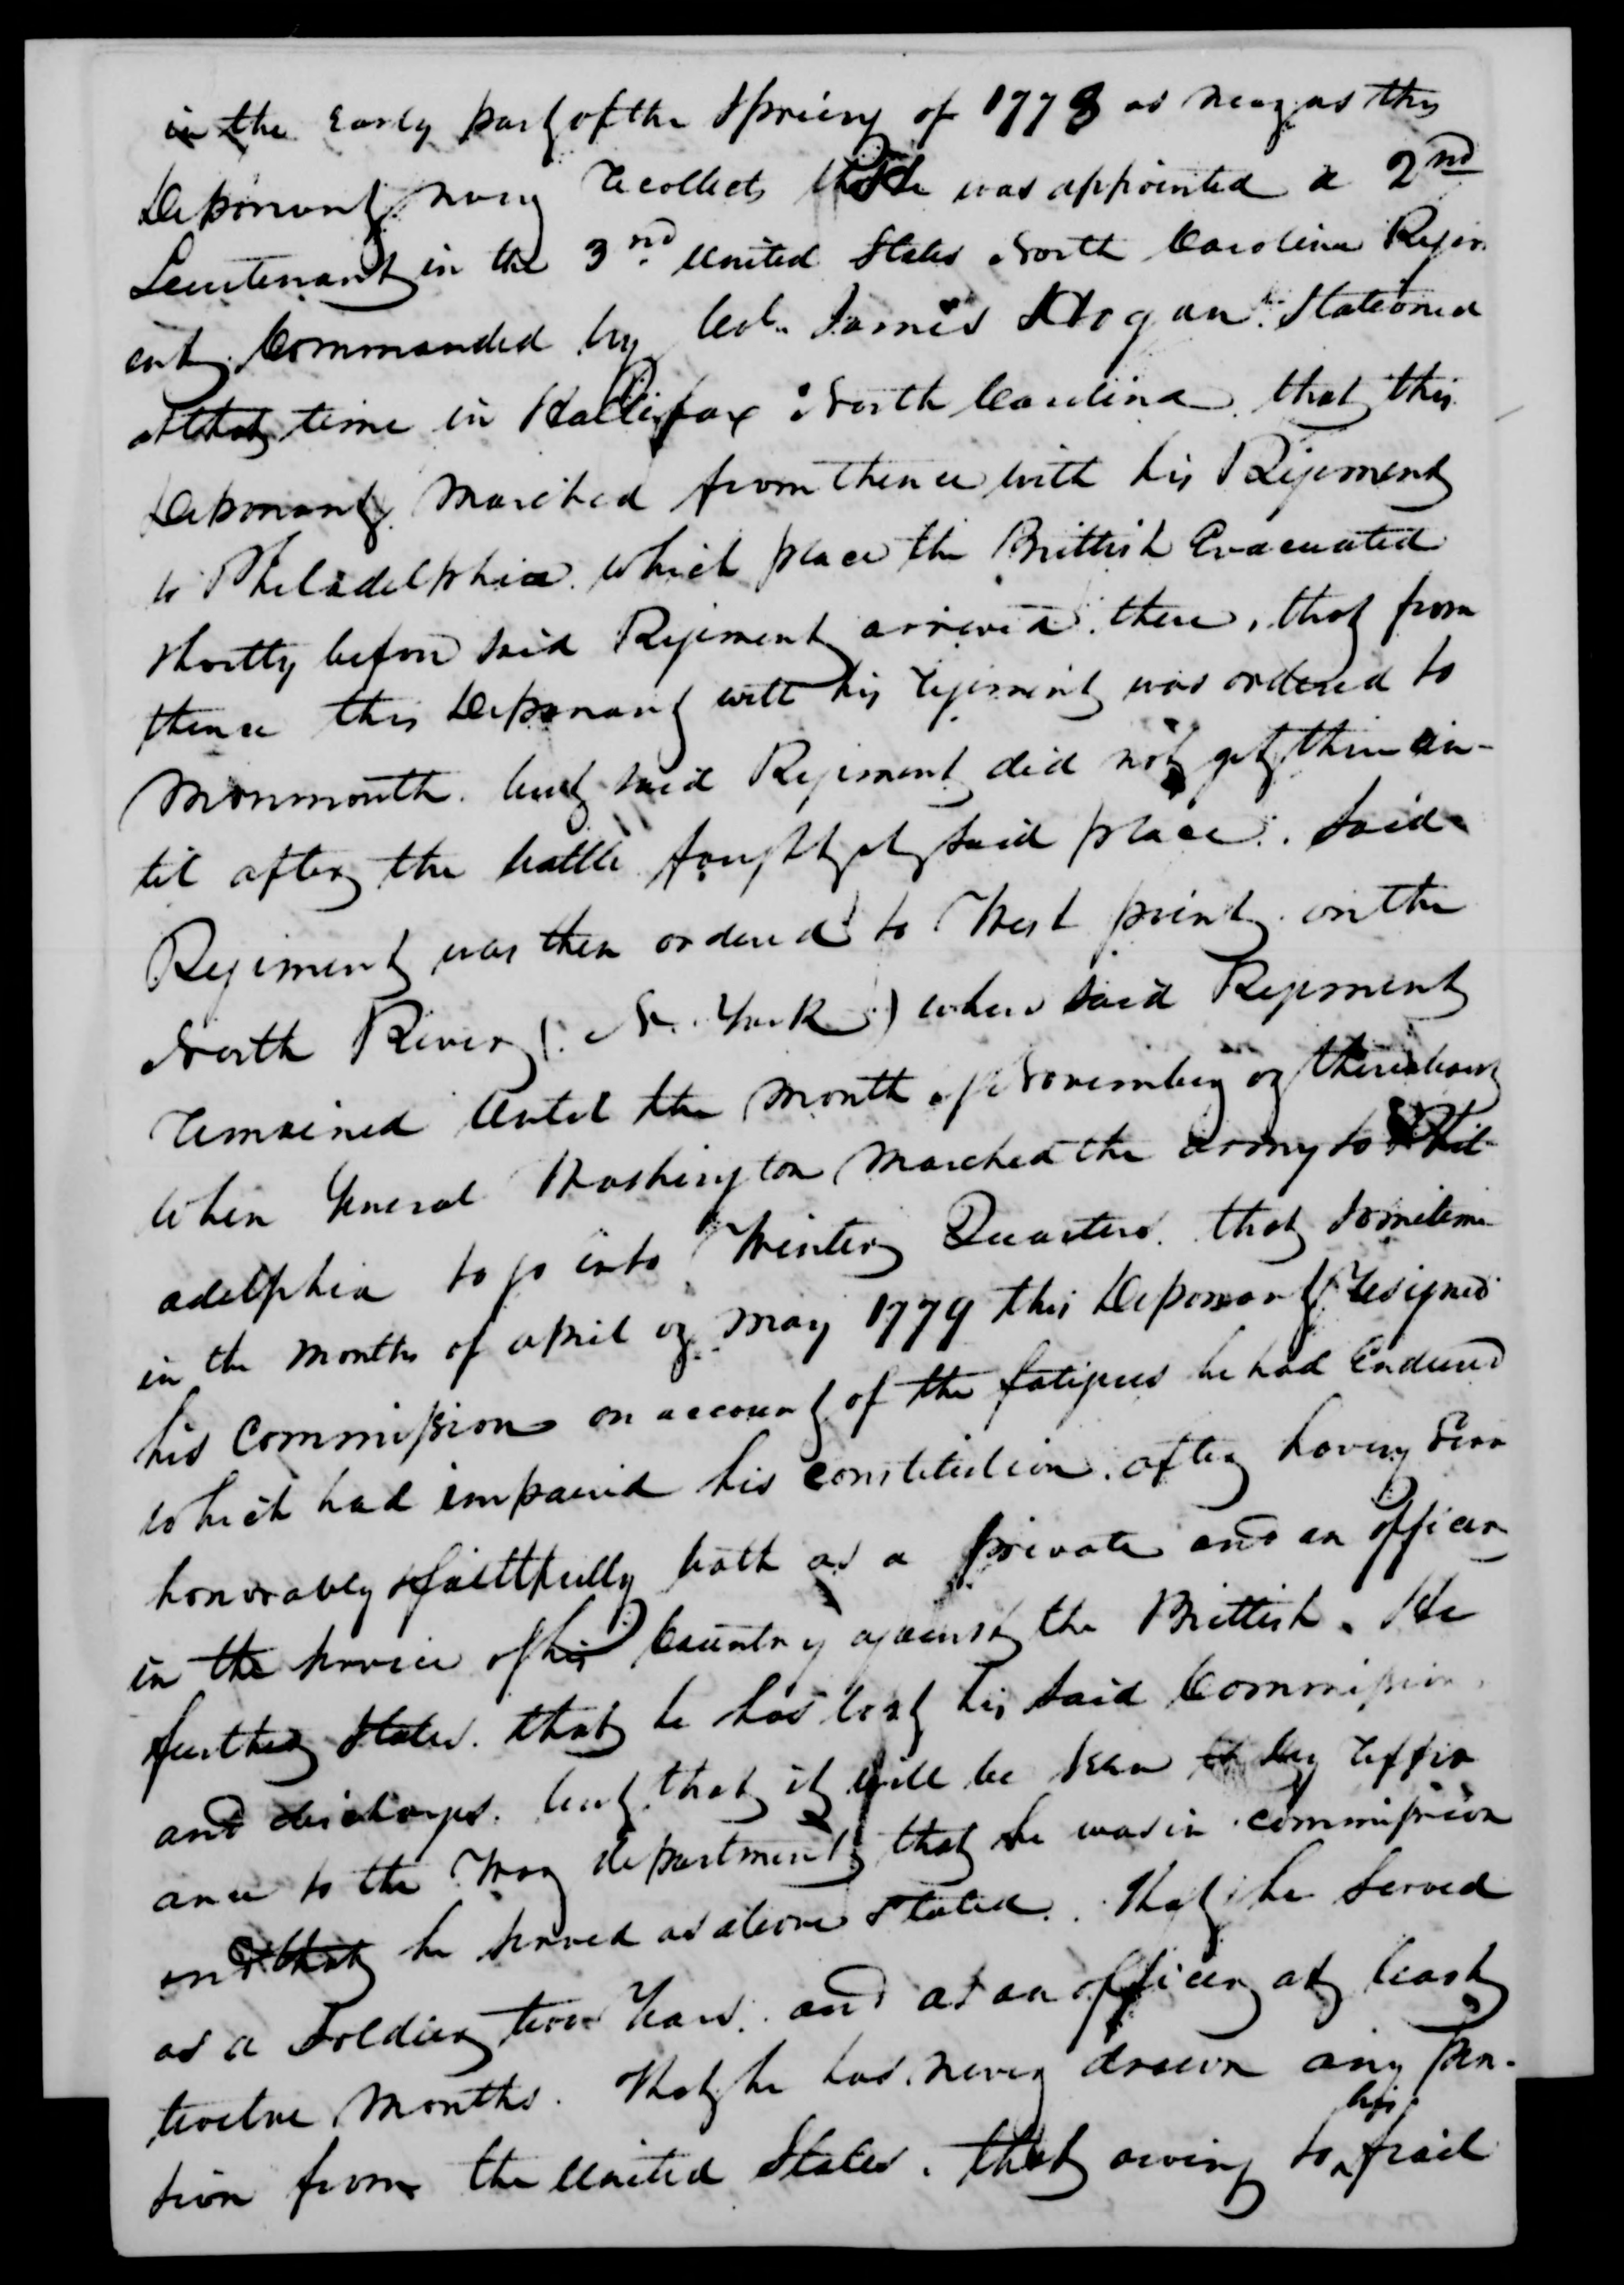in the early part of the spring of 1778 as near as the Deponent now recollects he was appointed a 2nd Lieutenant in the 3rd United
States North Carolina Regiment commanded by Colonel James Hogan [James Hogun] & stationed at that time in Halifax North Carolina, that this Deponent marched from thence with his Regiment to Philadelphia, which place the British evacuated shortly before said Regiment arrived there, that from thence this Deponent with his Regiment was ordered to Monmouth,
but said Regiment did not get there until after the battle fought at said place. Said Regiment was then ordered to West Point on the North River (New York) where said Regiment remained until the month of November or thereabout when General [George] Washington marched the Army to Philadelphia to go into Winter Quarters [Valley Forge], that sometime in the month of April or May 1779 this Deponent resigned his commission on account of the fatigues he had endured which had 
impaired his Constitution, after having served honorably & faithfully both as a private and an officer in the service of the Country against the British. He further states, that he has lost his said Commission and discharges, but that it will be seen by reference to the War Department
that he was in commission and that he served as above stated. That he served as a soldier two years, and as an officer at least twelve months. That he has never drawn any pension from the United States, that owing to his frail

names: James Hogan; [BLANK] Washington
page: 26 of 79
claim: widow's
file: W. 1504, for Robert Smith, North Carolina